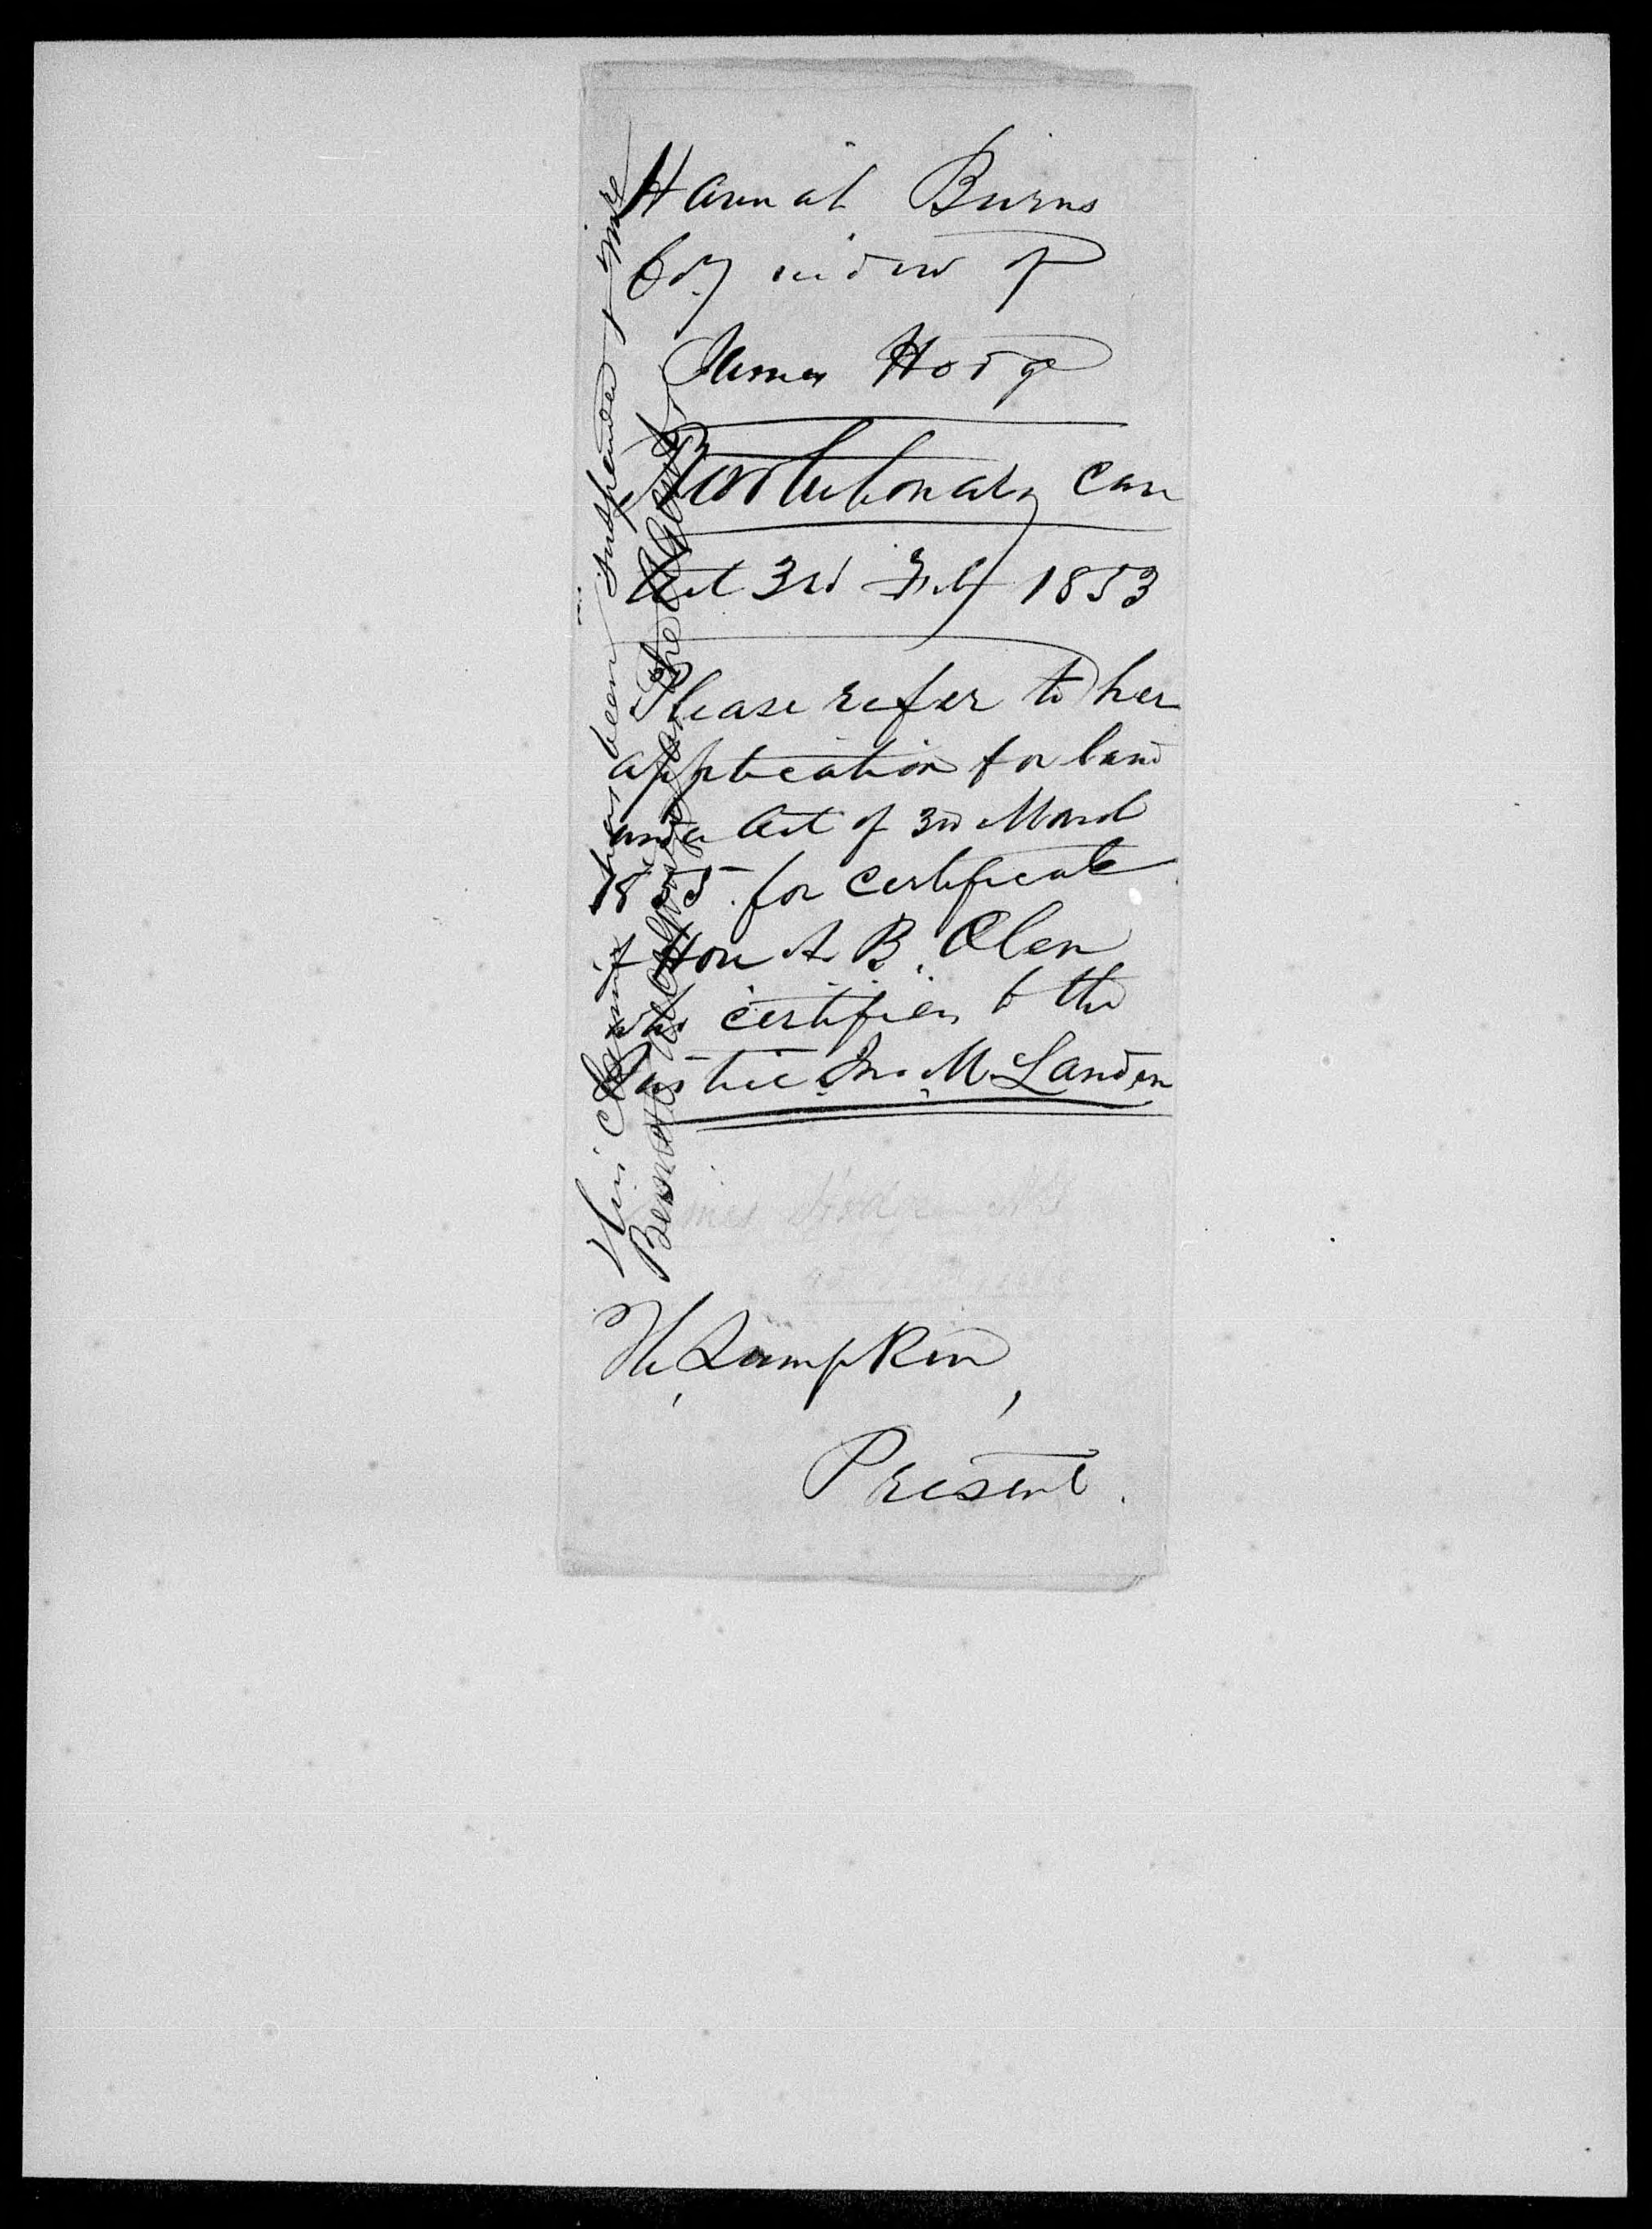Hannah Burns
[?] widow of
James Hodge
[?]
Oct 3rd 18[33?]
Please refer to her
application for [?]
Act of 3rd March
1855 for certificate
of Hon. A B Olen
who certifies & the
Justice Jno Mc Landen

Tho Lumpkin
Present.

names: Jno Mc Landen, Hannah Burns, James Hodge, A B Olen, Tho Lumpkin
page: 6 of 48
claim: widow's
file: W. 10476, James Hodge, New York